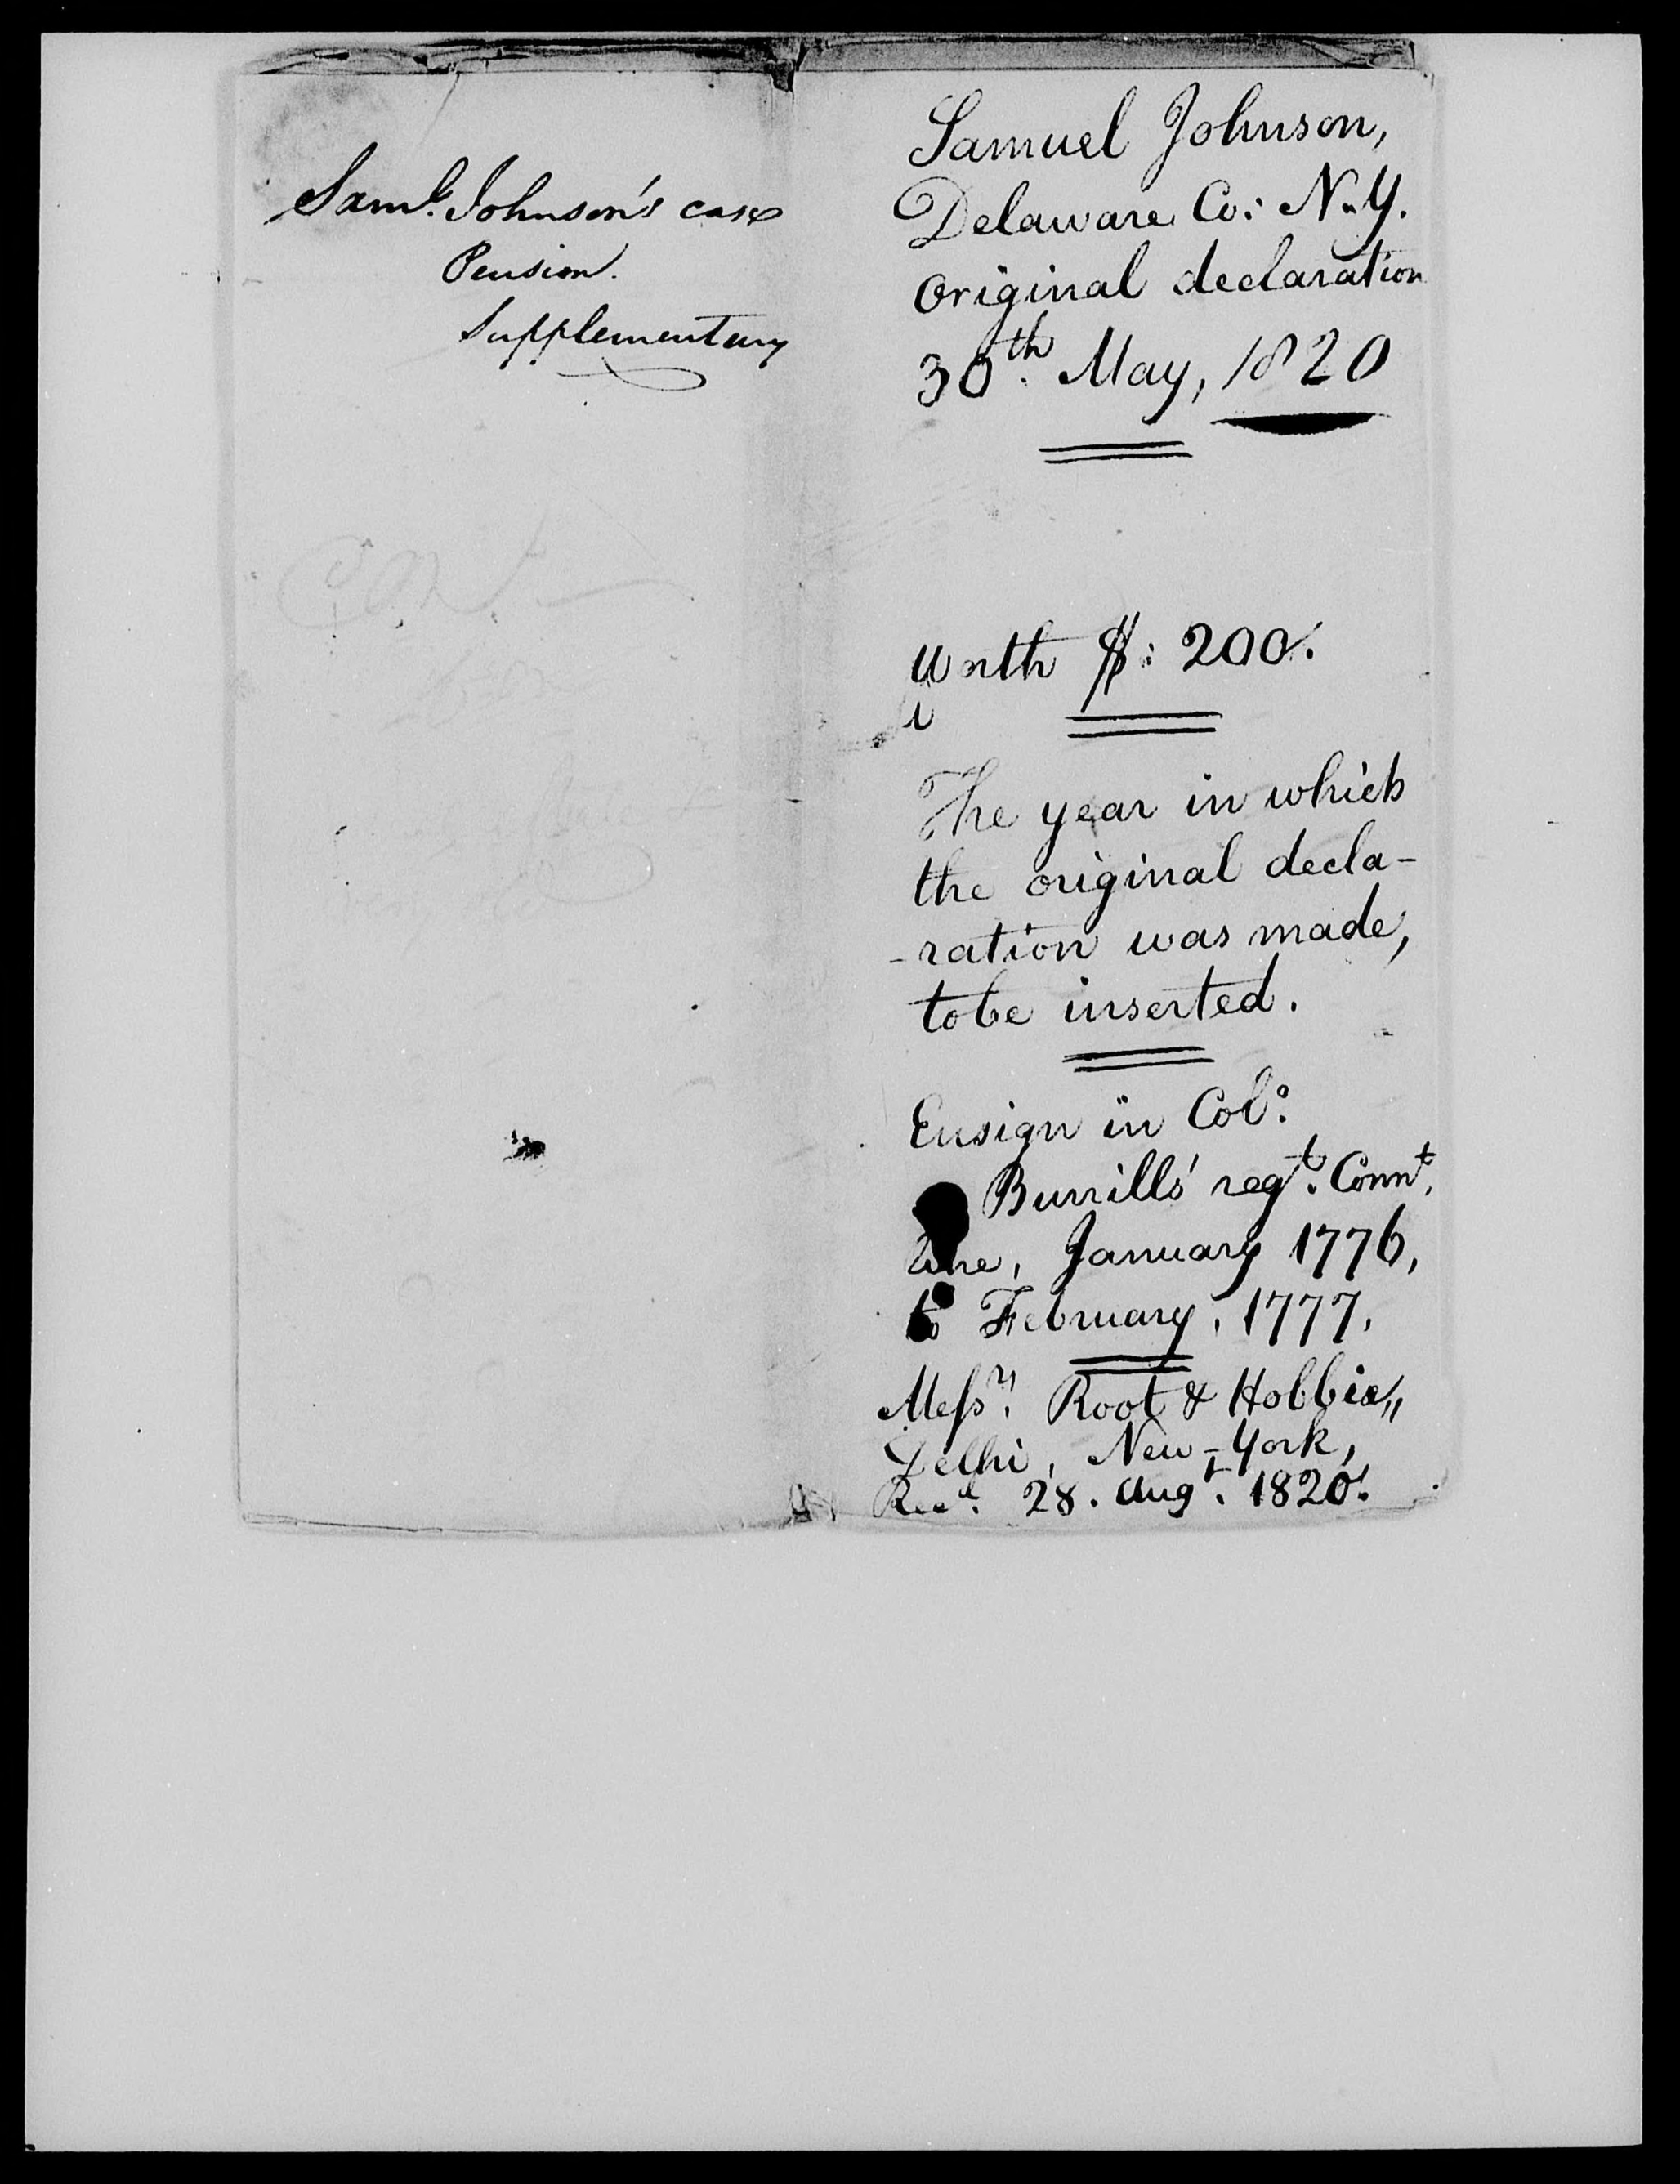Saml. Johnson's case supplementary

Samuel Johnson, Delaware Co: N. Y.
Original declaration
30th May, 1820

 Worth $200

The year in which the original declaration was made, to be inserted.

Ensign in Coll. Burrill's regt. Connt., line, January 1776, to February, 1777, 

Messr. Root & Hobbie,
Delhi, New York,
Recd. 28 Augt., 1820.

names: [BLANK] Root; Samuel Johnson; [BLANK] Hobbie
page: 7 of 43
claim: rejected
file: R. 5655, for Samuel Johnson, Connecticut